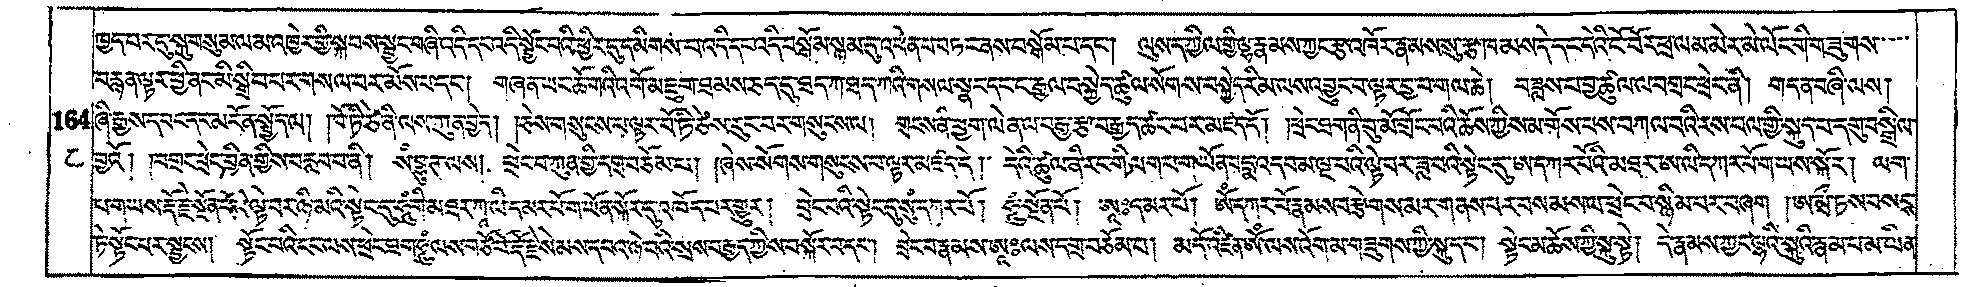ཁྱད་པར་དུ་སྐུ་གསུམ་ལམ་འཁྱེར་གྱི་སྐབས་སྦྱང་གཞི་འདི་དང་འདི་སྦྱོང་བའི་ཕྱིར་དུ་དམིགས་པ་འདི་དང་འདི་བསྒོམ་སྙམ་དུ་འཕེན་པ་བཏང་ནས་བསྒོམ་པ་དང་། ལུས་དཀྱིལ་གྱི་ལྷ་རྣམས་ཀྱང་རྩ་འཁོར་རྣམས་སུ་རྩ་ཁམས་དེ་དང་དེའི་ངོ་བོར་ཕྲ་ལམ་མེར་མེ་ལོང་གི་གཟུགས་་་
བརྙན་ལྟར་ཕྱི་ནང་མི་སྒྲིབ་པར་གསལ་བར་མོས་པ་དང་། གཞན་ཡང་ཆོ་གའི་འགོ་མཇུག་ཐམས་ཅད་དུ་ཐད་ཀ་ཐད་ཀའི་གསལ་སྣང་དང་ང་རྒྱལ་བསྐྱེད་ཚུལ་སོགས་བསྐྱེད་རིམ་ལས་འབྱུང་བ་ལྟར་བྱ་བ་གལ་ཆེ། བཟླས་པ་བྱ་ཚུལ་ལ་བགྲང་ཕྲེང་ནི། གདན་བཞི་ལས།
ཞི་རྒྱས་དབང་དང་མངོན་སྤྱོད་ལ། །བོ་ཏི་ཙེ་ནི་ལས་ཀུན་བྱེད། །ཅེས་གསུངས་པ་ལྟར་བོ་ཏི་ཙེས་རུང་བར་གསུངས་ལ། གྲངས་ནི་ཕྱག་ལེན་ལ་བརྒྱ་རྩ་བརྒྱད་ཚང་བར་མཛད་དོ། །ཕྲེང་ཐག་ནི་བུ་མོ་གྲོང་པའི་ཆོས་ཀྱིས་མ་གོས་པས་བཀལ་བའི་རས་བལ་གྱི་སྐུད་པ་དགུ་བསྒྲིལ་
བྱའོ། །བགྲང་ཕེང་བྱིན་གྱིས་བརླབ་པ་ནི། སཾ་བྷུ་ཊ་ལས། ཕྲེང་བ་ཀུན་གྱི་དགྲ་བཅོམ་པ། །ཞེས་སོགས་གསུངས་པ་ལྟར་མཛད་དེ། དེའི་ཚུལ་ནི་རང་གི་ལག་པ་གཡོན་པདམ་འདབ་མ་ལྔ་པའི་ལྟེང་དུ་ཨ་དཀར་པོའི་མཐར་ཨ་ལི་དཀར་པོ་གཡས་སྐོར། ལག་
པ་གཡས་རྡོ་རྗེ་སྔོན་པོའི་ལྟེ་བར་ཉི་མའི་སྟེང་དུ་ཧཱུཾ་གི་མཐར་ཀཱ་ལི་དམར་པོ་གཡོན་སྐོར་དུ་འཁོད་པར་གྱུར། ཕྲེང་བའི་སྟེང་དུ་སུཾ་དཀར་པོ། ཧཱུཾ་སྔོན་པོ། ཨཱཿདམར་པོ། ཨོཾ་དཀར་པོ་རྣམས་བརྟེགས་མར་གནས་པར་བསམས་ལ་ཕྲེང་བ་སྙིམ་པར་བཞག །ཨ་མྲྀ་ཏས་བསངས་
ཏེ་སྟོང་པར་སྦྱངས། སྟོང་པའི་ངང་ལས་ཕྲེང་ཐག་ཧཱུཾ་ལས་གཙོ་བོ་རྡོ་རྗེ་སེམས་དཔའ་ཉེ་བའི་སྲས་བརྒྱད་ཀྱིས་བསྐོར་བ་དང་། ཕྲེང་བ་རྣམས་ཨཱཿལས་དགྲ་བཅོམ་པ། མདོ་འཛིན་ཨོཾ་ལས་འོག་མ་གཟུགས་ཀྱི་སྐུ་དང་། སྟེང་མ་ཆོས་ཀྱི་སྐུ་སྟེ། དེ་རྣམས་ཀྱང་ལྷའི་སྐུའི་རྣམ་པ་མ་ཡིན་